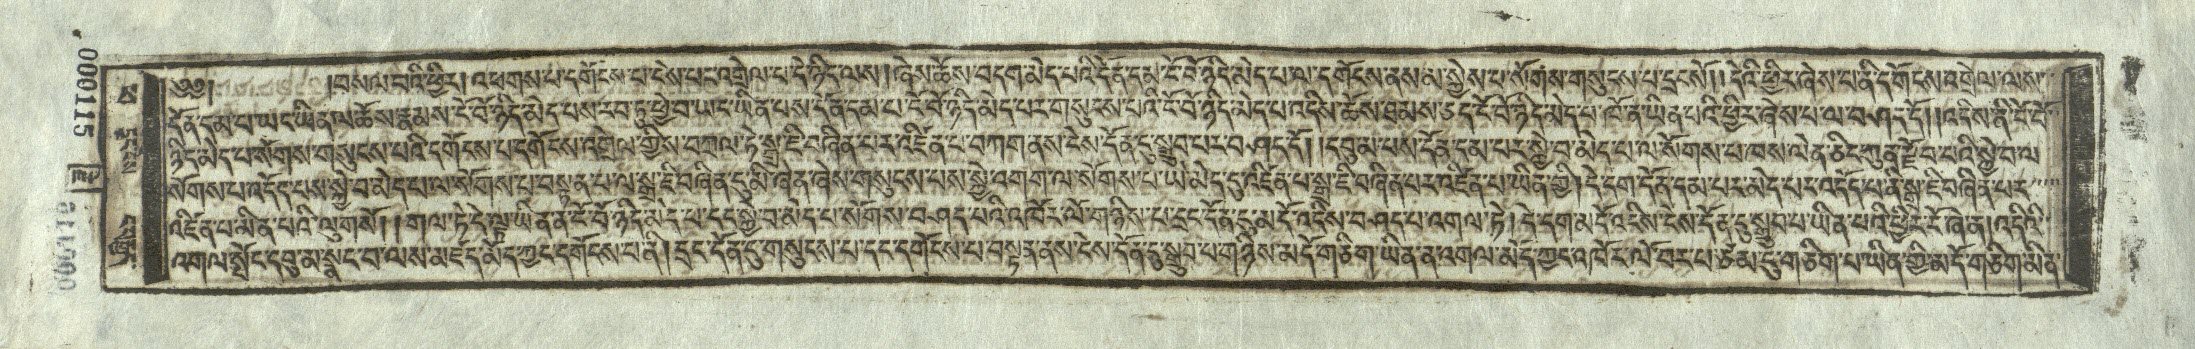༄༅། །བསལ་བའི་ཕྱིར། འཕགས་པ་དགོངས་པ་ངེས་པར་འགྲེལ་པ་དེ་ཉིད་ལས། ཞེས་ཆོས་བདག་མེད་པའི་དོན་དམ་ངོ་བོ་ཉིད་མེད་པ་ལ་དགོངས་ནས་མ་སྐྱེས་པ་སོགས་གསུངས་བ་དྲངས་སོ། །དེའི་ཕྱིར་ཞེས་པ་ནི་དགོངས་འགྲེལ་ལས་
དོན་དམ་པ་ཡང་ཡིན་ལ་ཆོས་རྣམས་ངོ་བོ་ཉིད་མད་པས་རབ་ཏུ་ཕྱེ་བ་ཡང་ཡིན་པས་དོན་དམ་པ་ངོ་བོ་ཉིད་མེད་པར་གསུངས་པའི་ངོ་བོ་ཉིད་མེད་པ་འདིས་ཆོས་ཐམས་ཅད་ངོ་བོ་ཉིད་མེད་པ་ཁོ་ན་ཡིན་པའི་ཕྱིར་ཞེས་པ་ལ་བཤད་དོ། །འདིས་ནི་ངོ་བོ་
ཉིད་མེད་པ་སོགས་གསུངས་པའི་དགོངས་པ་དགོངས་འགྲེལ་གྱིས་བཀྲལ་ཏེ་སྒྲ་ཇི་བཞིན་པར་འཛིན་པ་བཀག་ནས་ངེས་དོན་དུ་སྒྲུབ་པར་བཤད་དོ། །དབུ་མ་པས་དོན་དམ་པར་སྐྱེ་བ་མེད་པ་ལ་སོགས་པ་ཁས་ལེན་ཅིང་ཀུན་རྫོབ་པའི་སྐྱེ་བ་ལ་
སོགས་པ་འདད་པས་སྐྱེ་བ་མེད་པ་ལ་སོགས་པ་བསྟན་པ་ལ་སྒྲ་ཇི་བཞིན་དུ་མི་ཞེན་ཞེས་གསུངས་པས་སྐྱེ་འགག་ལ་སོགས་པ་ཡ་མེད་དུ་འཛིན་པ་སྒྲ་ཇི་བཞིན་པར་འཛིན་པ་ཡིན་གྱི། དེ་དག་དོན་དམ་པར་མེད་པར་འདོད་པ་ནི་སྒྲ་ཇི་བཞིན་པར་
འཛིན་པ་མིན་པའི་ལུགས་སོ། །གལ་ཏེ་དེ་ལྟ་ཡིན་ན་ངོ་བོ་ཉིད་མེད་པ་དང་སྐྱེ་བ་མེད་པ་སོགས་བཤད་པའི་འཁོར་ལོ་གཉིས་པ་དྲང་དོན་དུ་མདོ་འདིས་བཤད་པ་འགལ་ཏེ། དེ་དག་མདོ་འདིས་ངེས་དོན་དུ་སྒྲུབ་པ་ཡིན་པའི་ཕྱིར་རོ་ཞེ་ན། འདིའི་
འགལ་སྤོང་དབུ་མ་སྣང་བ་ལས་མཛད་མོད་ཀྱང་དགོངས་པ་ནི། དྲང་དོན་དུ་གསུངས་པ་དང་དགོངས་པ་བསྟན་ནས་ངེས་དོན་དུ་སྒྲུབ་པ་གཉིས་མདོ་གཅིག་ཡིན་ན་འགལ་མོད་ཀྱང་འཁོར་ལོ་བར་པ་ཙམ་དུ་གཅིག་པ་ཡིན་གྱི་མདོ་གཅིག་མིན་